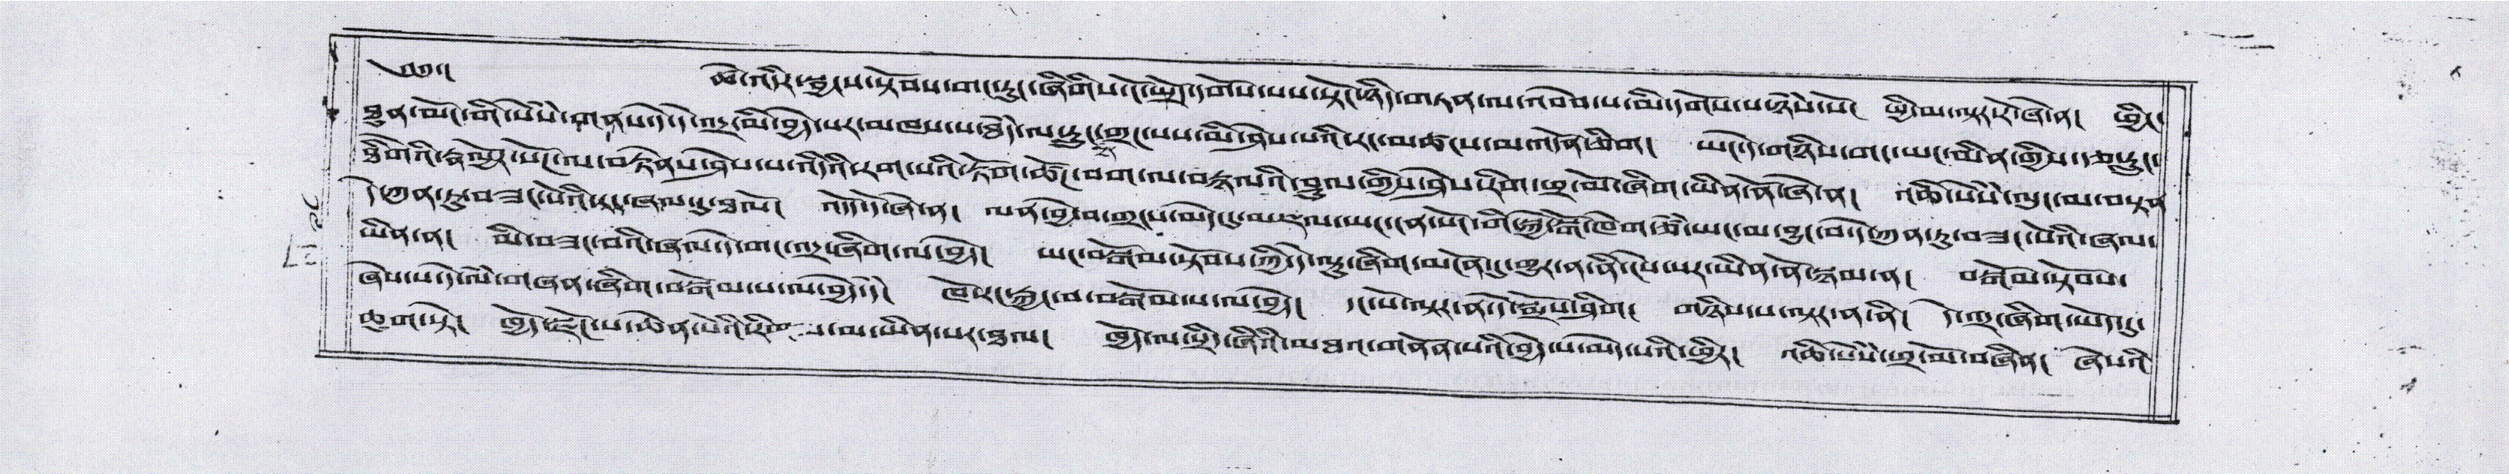ཚི་འདིར་སྦྱངས་སྟོབས་གང་རུང་ཞིག་གིས་ངོ་སྤྲོད་དགོས་པས་སྟོང་ཉིད་གཏན་ལ་འབེབ་ས་མི་དགོས་པ་ཉམས་སོ། ཕྱི་མ་ལྟར་རོ་ཞེ་ན། ཕྱི་
ནང་ཐུན་མོང་གི་སེམས་གནས་དེ་དེ་འདྲ་མི་བྱེད་པར་མཁས་པ་ཐམས་ཅད་ལ་རླུང་འཁྱེར་གྲངས་པས་མི་ཤེས་པའི་རང་མཚངས་མ་འདོན་ཅིག ཡང་དེ་གཉིས་གང་ཡང་མིན་གྱིས་རྩ་རླུང་
ཐིག་ལེའི་རྣལ་འབྱོར་སོགས་ལ་བརྟེན་ནས་ཤེས་པ་འདིའི་རག་པའི་རྟོག་ཚོགས་བག་ལ་བརྙལ་བའི་ཤུལ་གྱིས་ཤེས་རིག་ཕྲ་མོ་ཞིག་ཡིན་ནོ་ཞེ་ན། འཆི་སེམས་ལུང་མ་བསྟན་
དེ་ཀུན་ཏུ་བཟང་པོའི་རང་ཞལ་དུ་ཐལ་ལོ། འདོད་དོ་ཞེ་ན། ལན་བྱེ་བ་གྲངས་མེད་དུ་མཇལ་ཡང་ངན་སོང་གི་སྐྱེ་སྒོ་ཁེག་ཙམ་ཡང་མ་བྱུང་བ་དེ་ཀུན་ཏུ་བཟང་པོའི་ཞལ་
ཡིན་ན། མི་བཟང་བའི་ཞལ་དེ་གང་འདྲ་ཞིག་ལ་བྱེད། ཡང་བསྒོམ་སྟོབས་ཀྱི་དེ་ལྟ་བུ་ཞིག་མངོན་དུ་གྱུར་ན་ནི་ངེས་པར་ཡིན་ནོ་སྙམ་ན། བསྒོམ་སྟོབས་
ཞེས་པ་དེ་ལམ་གཞན་ཞིག་བསྒོམ་པ་ལ་བྱེད་དམ། ཁོ་རང་རྐྱང་བ་བསྒོམ་པ་ལ་བྱེད། དང་པོ་ལྟར་ན་དེ་སྨྲོས་ཤིག གཉིས་པ་ལྟར་ན་ནི། དེ་འདྲ་ཞིག་ཡོད་དུ་
ཆུག་སྟེ། ཁྱོད་རྫོགས་པ་ཆེན་པོའི་རིག་པ་མ་ཡིན་པར་ཐལ། ཁྱོད་ལ་སྲིད་ཞིའི་མཐའ་གནོན་པའི་བྱེད་པ་མེད་པའི་ཕྱིར། འཆི་སེམས་ཕྲ་མོ་བཞིན། ཞེས་པའི་